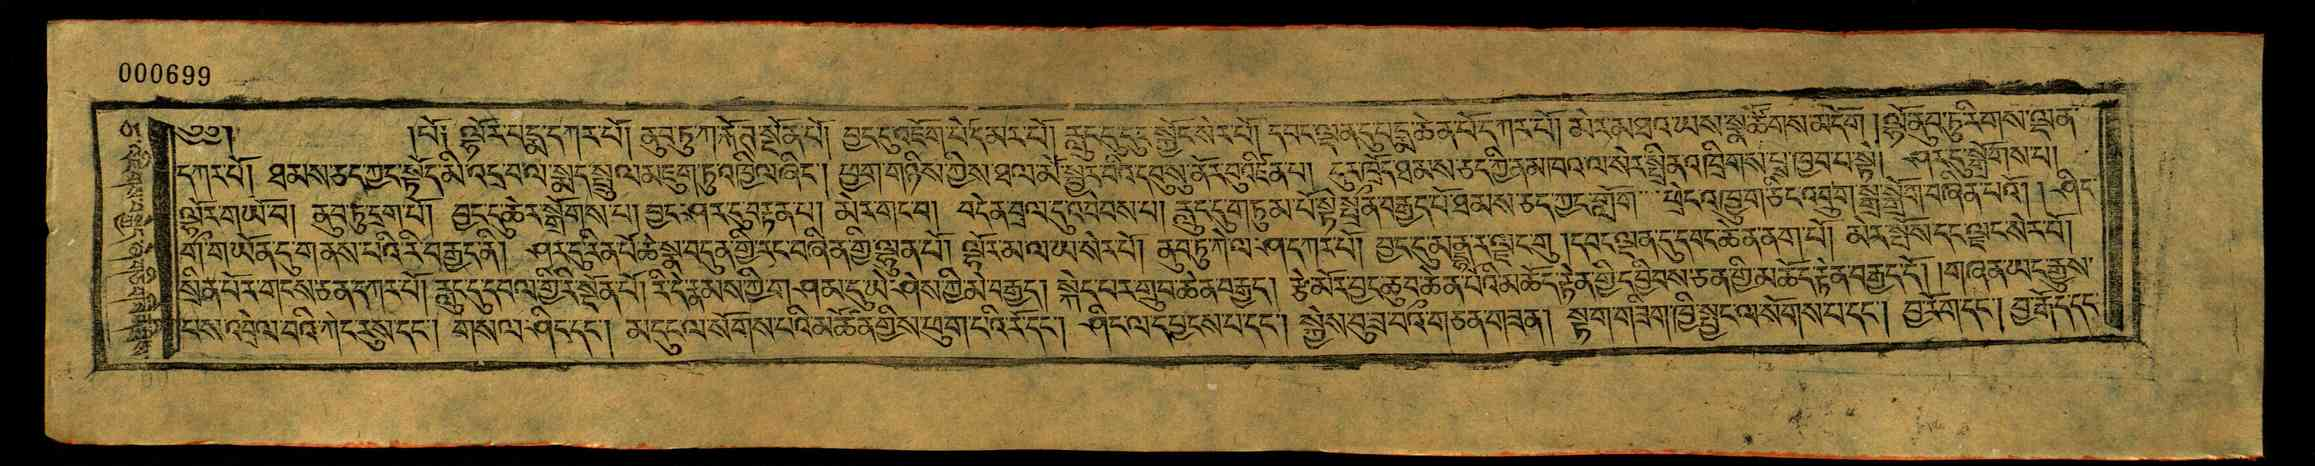༄༅། །པོ༑ ལྷོར་པདམ་དཀར་པོ། ནུབ་ཏུ་ཀརྐོ་ཊ་སྔོན་པོ། བྱང་དུ་འཇོག་པོ་དམར་པོ། རླུང་དུ་དུང་སྐྱོང་སེར་པོ། དབང་ལྡན་དུ་པདམ་ཆེན་པོ་དཀར་པོ། མེར་མཐའ་ཡས་སྣ་ཚོགས་མདོག །ལྷོ་ནུབ་ཏུ་རིགས་ལྡན་
དཀར་པོ། ཐམས་ཅད་ཀྱང་སྟོད་མི་འདྲ་བ་ལ་སྨད་སྦྲུལ་མཇུག་ཏུ་འཁྱིལ་ཞིང་། ཕྱག་གཉིས་ཀྱིས་ཐལ་མོ་སྦྱར་བའི་དབུ་སུ་ནོར་བུ་འཛིན་པ། དུར་ཁྲོད་ཐམས་ཅད་ཀྱི་ནམ་མཁའ་ལ་སེར་སྤྲིན་འཁྲིགས་པས་ཁྱབ་པ་སྟེ། ཤར་དུ་སྒྲོགས་པ།
ལྷོར་གཡོ་བ། ནུབ་ཏུ་དྲག་པོ། བྱང་དུ་ཆེར་སྒྲོགས་པ། བྱང་ཤར་དུ་བརྟན་པ། མེར་གང་བ། བདེན་བྲལ་དུ་འབེབས་པ། རླུང་དུ་གཏུམ་པོ་སྟེ་སྤྲིན་བརྒྱད་པོ་ཐམས་ཅད་ཀྱང་གློག་ཕྲེང་འཁྱུག་ཅིང་འབྲུག་སྒྲ་སྒྲོག་བཞིན་པའོ། །ཤིང་
གི་གཡོན་དུ་གནས་པའི་རི་བརྒྱད་ནི། ཤར་དུ་རིན་པོ་ཆེ་སྣ་བདུན་གྱི་རང་བཞིན་གྱི་ལྷུན་པོ། ལྷོར་མ་ལ་ཡ་སེར་པོ། ནུབ་ཏུ་ཀེ་ལ་ཤ་དཀར་པོ། བྱང་དུ་མནྡྷ་ར་ལྗང་གུ །དབང་ལྡན་དུ་དབང་ཆེན་ནག་པོ། མེར་སྤོས་ངད་ལྡང་སེར་པོ།
སྲིན་པོར་གངས་ཅན་དཀར་པོ། རླུང་དུ་དཔལ་གྱི་རི་སྔོན་པོ། རི་དེ་རྣམས་ཀྱི་གཤམ་དུ་ཡེ་ཤེས་ཀྱི་མེ་བརྒྱད། སྐེད་པར་གྲུབ་ཆེན་བརྒྱད། རྩེ་མོར་བྱང་ཆུབ་ཆེན་པོའི་མཆོད་རྟེན་གྱི་དབྱིབས་ཅན་གྱི་མཆོད་རྟེན་བརྒྱད་དོ། །གཞན་ཡང་རྒྱུས་
པས་འབྲེལ་བའི་ཀེང་རུས་དང་། གསལ་ཤིང་དང་། མདུང་ལ་སོགས་པའི་མཚོན་གྱིས་ཕུག་པའི་རོ་དང་། ཤིང་ལ་དཔྱངས་པ་དང་། སྐྱེས་བུ་ཟ་བའི་གཅན་གཟན། སྟག་གཟིག་ཁྱི་སྤྱང་ལ་སོགས་པ་དང་། བྱ་རོག་དང་། བྱ་རྒོད་དང་